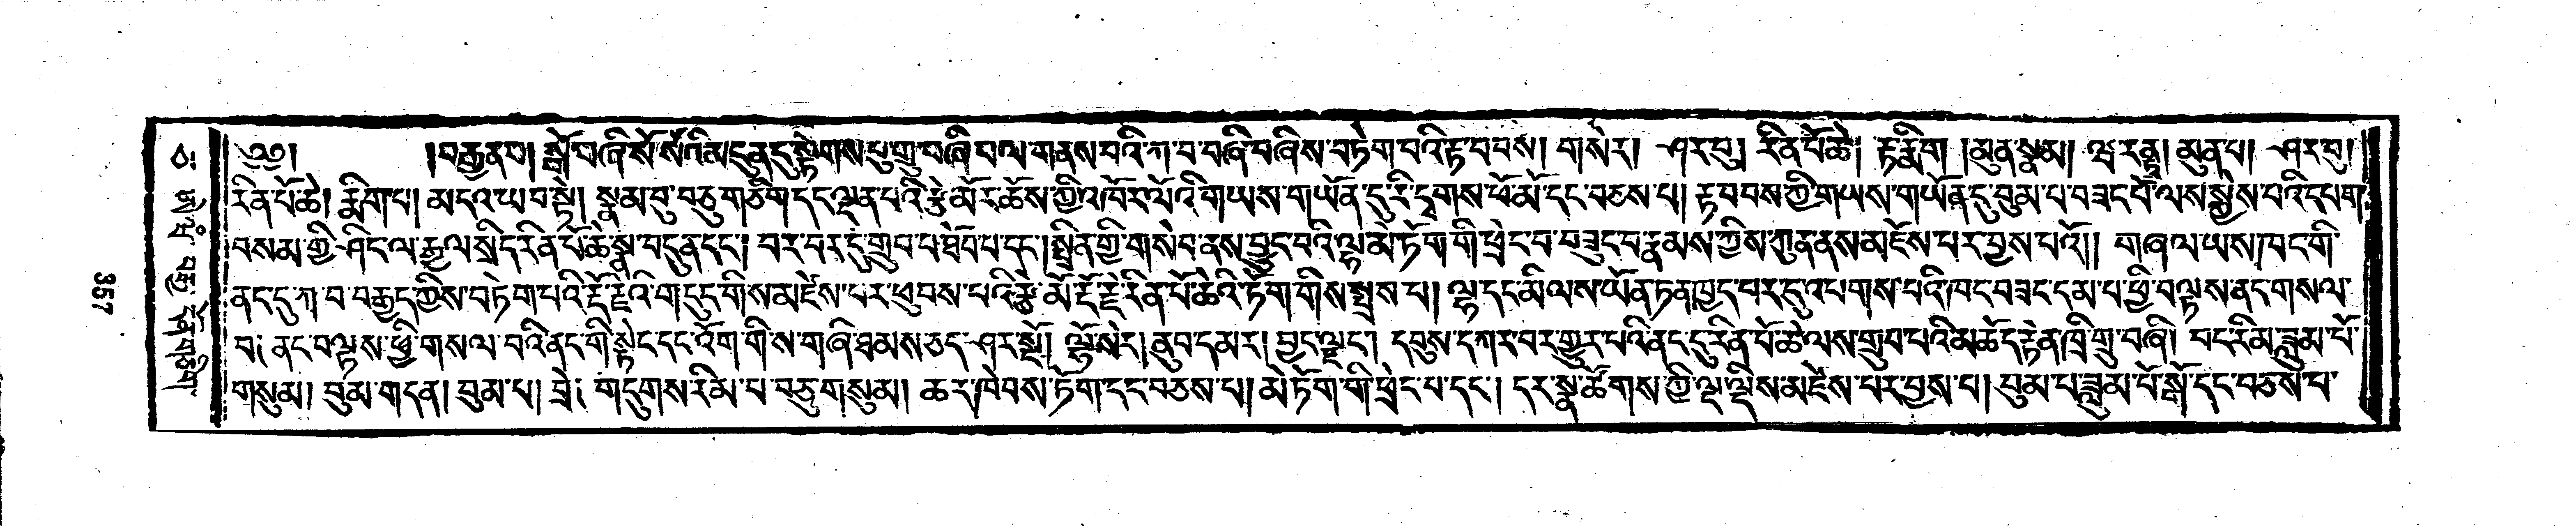༄༅། །བརྒྱན་པ། སྒྲོ་བཞི་སོ་སོའི་མདུན་དུ་སྟེགས་བུ་གྲུ་བཞི་པ་ལ་གནས་པའི་ཀ་བ་བཞི་བཞིས་བཏེག་པའི་རྟ་བབས། གསེར། ཤར་བུ། རིན་པོ་ཆེ། རྟ་རྨིག །མུན་སྣམ། ཝ་རནྟྲ། མུན་པ། ཤར་བུ།
རིན་པོ་ཆེ། རྨིག་པ། མདའ་ཡབ་སྟེ། སྣམ་བུ་བཅུ་གཅིག་དང་ལྡན་པའི་རྩེ་མོར་ཆོས་ཀྱི་འཁོར་ལོའི་གཡས་གཡོན་དུ་རི་དྭགས་ཕོ་མོ་དང་བཅས་པ། རྟ་བབས་ཀྱི་གཡས་གཡོན་དུ་བུམ་པ་བཟང་པོ་ལས་སྐྱེས་པའི་དཔག་
བསམ་གྱི་ཤིང་ལ་རྒྱལ་སྲིད་རིན་པོ་ཆེ་སྣ་བདུན་དང་། བར་བར་དུ་གྲུབ་པ་ཐོབ་པ་དང་། སྤྲིན་གྱི་གསེབ་ནས་བྱུང་བའི་ལྷ་མེ་ཏོག་གི་ཕྲེང་བ་བཟུང་བ་རྣམས་ཀྱིས་ཀུན་ནས་མཛེས་པར་བྱས་པའོ། །གཞལ་ཡས་ཁང་གི་
ནང་དུ་ཀ་བ་བརྒྱད་ཀྱིས་བཏེག་པའི་རྡོ་རྗེའི་གདུང་གིས་མཛེས་པར་ཕུབས་པའི་རྩེ་མོ་རྡོ་རྗེ་རིན་པོ་ཆེའི་ཏོག་གིས་སྤྲས་པ། ལྷ་དང་མི་ལས་ཡོན་ཏན་ཁྱད་པར་དུ་འཕགས་པའི་ཁང་བཟང་དམ་པ་ཕྱི་བལྟས་ནང་གསལ་
བ། ནང་བལྟས་ཕྱི་གསལ་བའི་ནང་གི་སྟེང་དང་འོག་གི་ས་གཞི་ཐམས་ཅད་ཤར་སྔོ། ལྷོ་སེར། ནུབ་དམར། བྱང་ལྗང་། དབུས་དཀར་བར་གྱུར་བའི་ནང་དུ་རིན་པོ་ཆེ་ལས་གྲུབ་པའི་མཆོད་རྟེན་ཁྲི་གྲུ་བཞི། བང་རིམ་ཟླུམ་པོ་
གསུམ། བུམ་གདན། བུམ་པ། བྲེ། གདུགས་རིམ་པ་བཅུ་གསུམ། ཆར་ཁེབས་ཏོག་དང་བཅས་པ། མེ་ཏོག་གི་ཕྲེང་བ་དང་། དར་སྣ་ཚོགས་ཀྱི་ལྡ་ལྡིས་མཛེས་པར་བྱས་པ། བུམ་པ་ཟླུམ་པོ་སྒོ་དང་བཅས་པ་